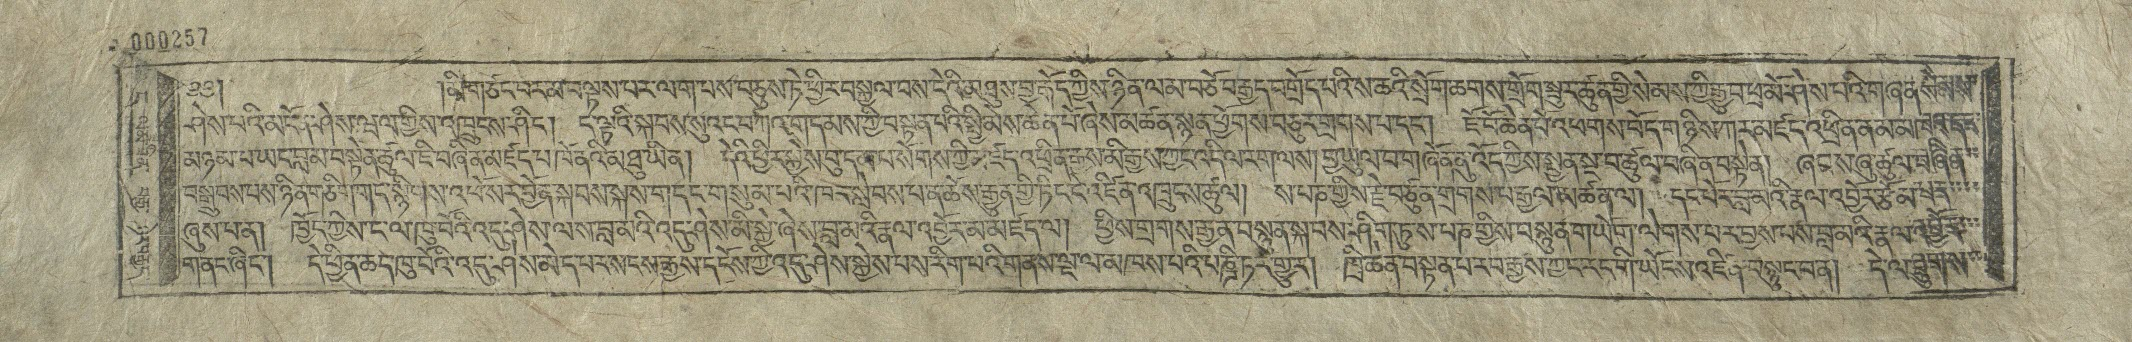༄༅། །མི་གཙང་བར་མ་བལྟས་པར་ལག་པས་བཅུས་ཏེ་ཕྱིར་བསྐྱལ་བས་དེའི་མཐུས་བྱ་རྒོད་ཀྱིས་ཉིན་ལམ་བཅོ་བརྒྱད་བགྲོད་པའི་ས་ཆའི་སྲོག་ཆགས་གྲོག་སྦུར་ཚུན་གྱི་སེམས་ཀྱི་རྒྱུ་བ་ཕྲ་མོ་ཤེས་པའི་གཞན་སེམས་
ཤེས་པའི་མངོན་ཤེས་ཝ་ལ་གྱིས་འཁྲུངས་ཤིང་། ད་ལྟའི་སྐབས་སུའང་བཀའ་གདམས་ཀྱི་བསྟན་པའི་སྤྱི་མེས་ཆེན་པོ་ཞེས་མཚན་སྙན་ཕྱོགས་བཅུར་གྲགས་པ་དང་། ཇོ་བོ་ཆེན་པོ་འཕགས་བོད་གཉིས་ཀར་མཛད་འཕྲིན་ནམ་མཁའ་དང་
མཉམ་པ་ཡང་བླ་མ་བསྟེན་ཚུལ་ཇི་བཞིན་མཛད་པ་ཁོ་ནའི་མཐུ་ཡིན། དེའི་ཕྱིར་སྐྱེས་བུ་དམ་པ་སོགས་ཀྱི་མཛད་འཕྲིན་རྒྱས་མི་རྒྱས་ཀྱང་འདི་ལ་རག་ལས། བྱ་ཡུལ་བ་གཞོན་ནུ་འོད་ཀྱིས་སྤྱན་སྔ་བ་ཚུལ་བཞིན་བསྟེན། ཞབས་ཞུ་ཚུལ་བཞིན་
བསྒྲུབས་པས་ཉིན་གཅིག་གད་སྙིགས་འཕོ་སར་བྱོན་སྐབས་སྐས་གདང་གསུམ་པའི་ཁར་སླེབས་པ་ན་ཆོས་རྒྱུན་གྱི་ཏིང་ངེ་འཛིན་འཁྲུངས་ཚུལ། ས་པཎ་གྱིས་རྗེ་བཙུན་གྲགས་པ་རྒྱལ་མཚན་ལ། དང་པོར་བླ་མའི་རྣལ་འབྱོར་རྩོམ་པར་
ཞུས་པ་ན། ཁྱོད་ཀྱིས་ང་ལ་ཁུ་བོའི་འདུ་ཤེས་ལས་བླ་མའི་འདུ་ཤེས་མི་སྐྱེ་ཞེས་བླ་མའི་རྣལ་འབྱོར་མ་མཛད་ལ། ཕྱིས་གྲགས་རྒྱན་བསྙུན་སྐབས་ཤིག་ཏུ་ས་པཎ་གྱིས་བསྙུན་གཡོག་ལེགས་པར་བྱས་པས་བླ་མའི་རྣལ་འབྱོར་
གནང་ཞིང་། དེ་ཕྱིན་ཆད་ཁུ་བོའི་འདུ་ཤེས་མེད་པར་སངས་རྒྱས་དངོས་ཀྱི་འདུ་ཤེས་སྐྱེས་པས་རིག་པའི་གནས་ལྔ་ལ་མཁས་པའི་པཎྜི་ཏར་གྱུར། ཁྲི་ཆེན་བསྟན་པ་རབ་རྒྱས་ཀྱང་རང་གི་ཡོངས་འཛིན་བསྙུང་བ་ན། དེ་ལ་ཐུགས་